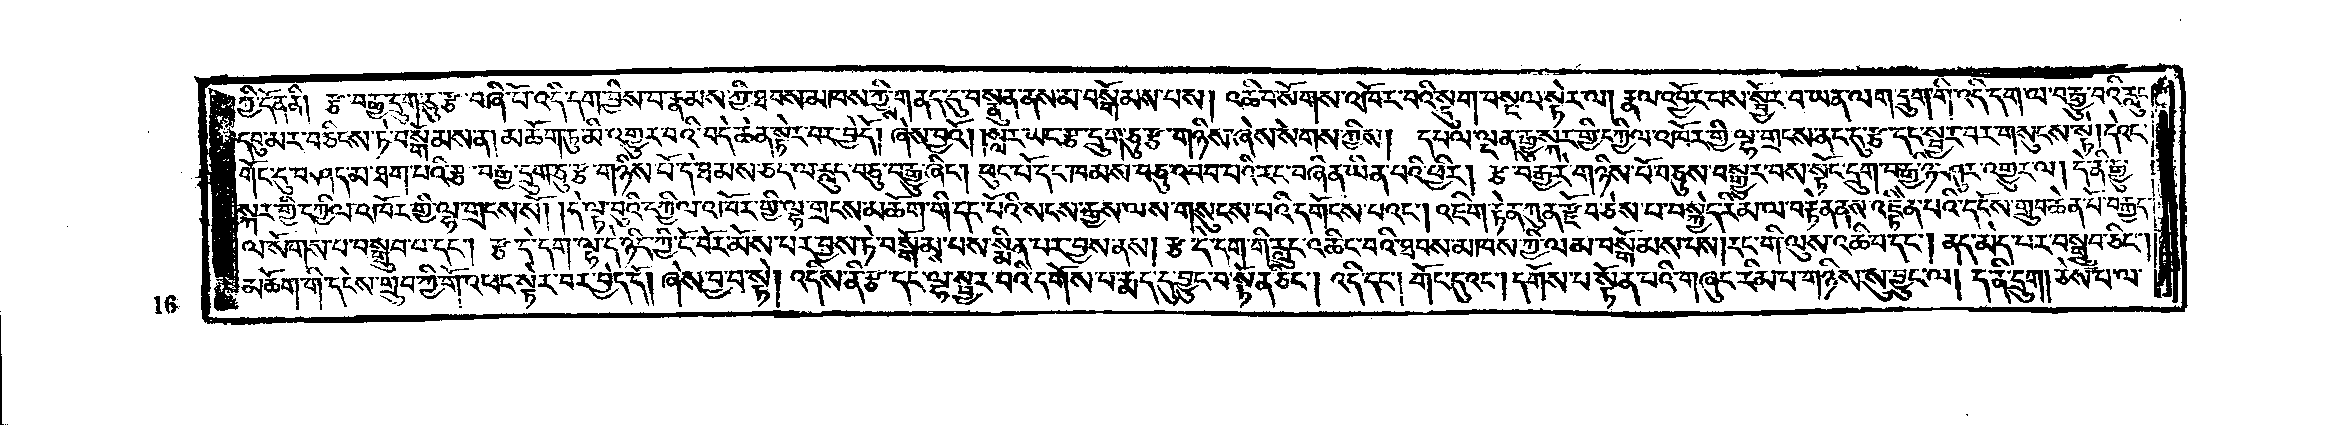ཀྱི་དོན་ནི། རྩ་བརྒྱ་དྲུག་ཅུ་རྩ་བཞི་པོ་འདི་དག་བྱིས་པ་རྣམས་ཀྱི་ཐབས་མཁས་ཀྱིས་གནད་དུ་བསྣུན་ནས་མ་བསྒོམས་པས། འཆི་བ་སོགས་འཁོར་བའི་སྡུག་བསྔལ་སྟེར་ལ། རྣལ་འབྱོར་པས་སྦྱོར་བ་ཡན་ལག་དྲུག་གི་འདི་དག་ལ་བརྒྱུ་བའི་རླུང་
དབུ་མར་བཅིངས་ཏེ་བསྒོམས་ན། མཆོག་ཏུ་མི་འགྱུར་བའི་བདེ་ཆེན་སྟེར་བར་བྱེད་དོ། ཞེས་བྱའོ། །སླར་ཡང་རྩ་དྲུག་ཅུ་རྩ་གཉིས་ཞེས་སོགས་ཀྱིས། དཔལ་ལྡན་རྒྱུ་སྐར་གྱི་དཀྱིལ་འཁོར་གྱི་ལྷ་གྲངས་ནང་དུ་རྩ་དང་སྦྱར་བར་གསུངས་སྟེ། དེའང་
གོང་དུ་བཤད་མ་ཐག་པའི་རྩ་བརྒྱ་དྲུག་ཅུ་རྩ་གཉིས་པོ་དེ་ཐམས་ཅད་ལ་རླུང་བཅུ་བརྒྱུ་ཞིང་། ཕུང་པོ་དང་ཁམས་བཅུ་འབབ་པའི་རང་བཞིན་ཡིན་པའི་ཕྱིར། རྩ་བརྒྱ་རེ་གཉིས་པོ་བཅུས་བསྒྱུར་བས་སྟོང་དྲུག་བརྒྱ་ཉི་ཤུར་འགྱུར་ལ། དེ་ནི་རྒྱུ་
སྐར་གྱི་དཀྱིལ་འཁོར་གྱི་ལྷ་གྲངས་སོ། །དེ་ལྟ་བུའི་དཀྱིལ་འཁོར་གྱི་ལྷ་གྲངས་མཆོག་གི་དང་པོའི་སངས་རྒྱས་ལས་གསུངས་པའི་དགོངས་པའང་། འཇིག་རྟེན་ཀུན་རྫོབ་ཅེས་པ་བསྐྱེད་རིམ་ལ་བརྟེན་ནས་འཇིག་རྟེན་པའི་དངོས་གྲུབ་ཆེན་པོ་བརྒྱད་
ལ་སོགས་པ་བསྒྲུབ་པ་དང་། རྩ་དེ་དག་ལྷ་དེ་ཉིད་ཀྱི་ངོ་བོར་མོས་པར་བྱས་ཏེ་བསྒོམས་པས་སྨིན་པར་བྱས་ནས། རྩ་དེ་དག་གི་རླུང་འཆིང་བའི་ཐབས་མཁས་ཀྱི་ལམ་བསྒོམས་པས། རང་གི་ལུས་འཆི་བ་དང་། ནད་མེད་པར་བསྒྲུབ་ཅིང་།
མཆོག་གི་དངོས་གྲུབ་ཀྱི་གོ་འཕང་སྟེར་བར་བྱེད་དོ། ཞེས་བྱ་བ་སྟེ། འདིས་ནི་རྩ་དང་ལྷ་སྦྱར་བའི་དགོས་པ་རྨད་དུ་བྱུང་བ་སྟོན་ཅིང་། འདི་དང་། གོང་དུའང་། དགོས་པ་སྟོན་པའི་གཞུང་རིམ་པ་གཉིས་སུ་བྱུང་ལ། ད་ནི་དྲུག །ཅེས་པ་ལ་